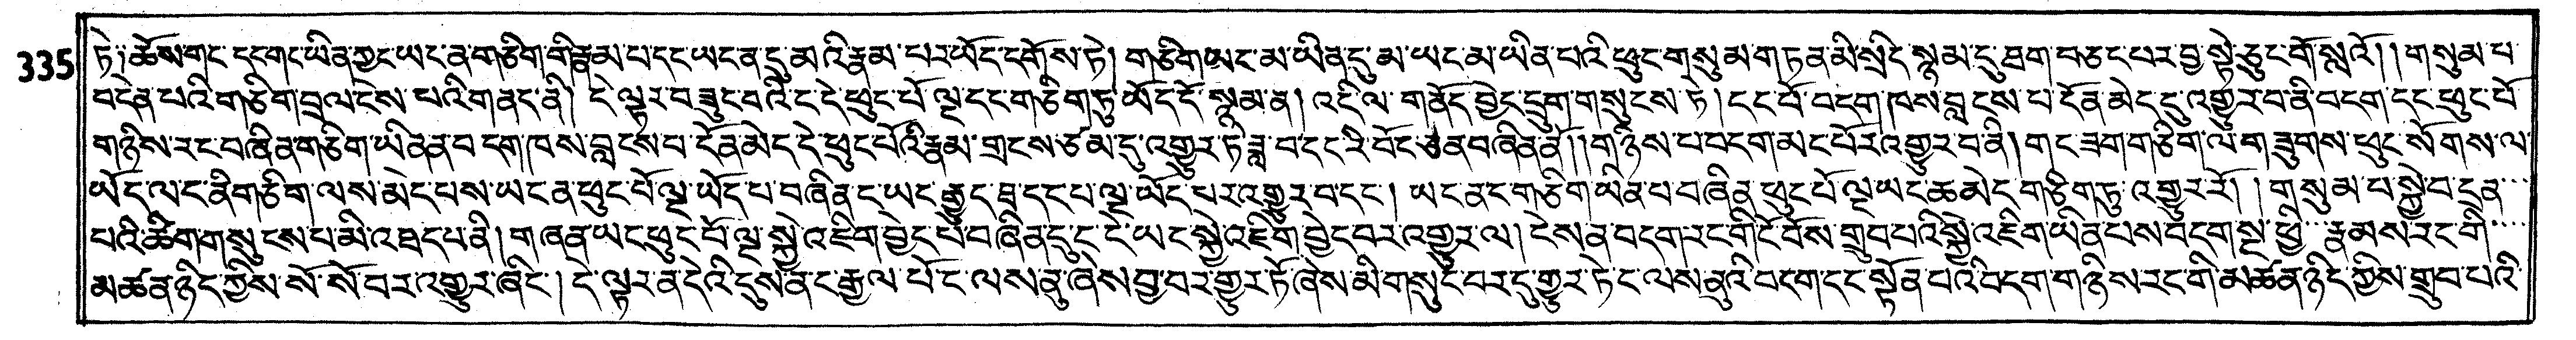ཏེ༑ ཆོས་གང་དང་གང་ཡིན་ཀྱང་ཡང་ན་གཅིག་གི་རྣམ་པ་དང་ཡང་ན་དུ་མའི་རྣམ་པར་ཡོད་དགོས་ཏེ། གཅིག་ཡང་མ་ཡིན་དུ་མ་ཡང་མ་ཡིན་པའི་ཕུང་གསུམ་གཏན་མི་སྲིད་སྙམ་དུ་ཐག་བཅད་པར་བྱ་སྟེ་ཅུང་གོ་སླའོ། །གསུམ་པ་
བདེན་པའི་གཅིག་བྲལ་ངེས་པའི་གནད་ནི། དེ་ལྟར་བཟུང་བའི་ང་དེ་ཕུང་པོ་ལྔ་དང་གཅིག་ཏུ་ཡོད་དོ་སྙམ་ན། འདི་ལ་གནོད་བྱེད་དྲུག་གསུངས་ཏེ། དང་པོ་བདག་ཁས་བླངས་པ་དོན་མེད་དུ་འགྱུར་བ་ནི་བདག་དང་ཕུང་པོ་
གཉིས་རང་བཞིན་གཅིག་ཡིན་ན་བདག་ཁས་བླངས་པ་དོན་མེད་དེ་ཕུང་པོའི་རྣམ་གྲངས་ཙམ་དུ་འགྱུར་ཏེ་ཟླ་བ་དང་རི་བོང་ཅན་བཞིན་ནོ། །གཉིས་པ་བདག་མང་པོར་འགྱུར་བ་ནི། གང་ཟག་གཅིག་ལ་གཟུགས་ཕུང་སོགས་ལ་
ཡོད་ལ་ང་ནི་གཅིག་ལས་མེད་པས་ཡང་ན་ཕུང་པོ་ལྔ་ཡོད་པ་བཞིན་ང་ཡང་རྒྱུད་ཐ་དང་པ་ལྔ་ཡོད་པར་འགྱུར་བ་དང་། ཡང་ན་ང་གཅིག་ཡིན་པ་བཞིན་ཕུང་པོ་ལྔ་ཡང་ཆ་མེད་གཅིག་ཏུ་འགྱུར་རོ། །གསུམ་པ་སྐྱེ་བ་དྲན་
པའི་ཚིག་གསུངས་པ་མི་འཐད་པ་ནི། གཞན་ཡང་ཕུང་པོ་ལྔ་སྐྱེ་འཇིག་བྱེད་པ་བཞིན་དུ་ང་དེ་ཡང་སྐྱེ་འཇིག་བྱེད་པ་འགྱུར་ལ། ངེས་ན་བདག་རང་གི་ངོ་བོས་གྲུབ་པའི་སྐྱེ་འཇིག་ཡིན་པས་བདག་སྔ་ཕྱི་རྣམས་རང་གི་
མཚན་ཉིད་ཀྱིས་སོ་སོ་བར་འགྱུར་ཞིང་། དེ་ལྟར་ན་དེའི་དུས་ན་ང་རྒྱལ་པོ་ང་ལས་ནུ་ཞེས་བྱ་བར་གྱུར་ཏོ་ཞེས་མི་གསུང་བར་དུ་གྱུར་ཏེ་ང་ལས་ནུའི་བདག་དང་སྟོན་པའི་བདག་གཉིས་རང་གི་མཚན་ཉིད་ཀྱིས་གྲུབ་པའི་